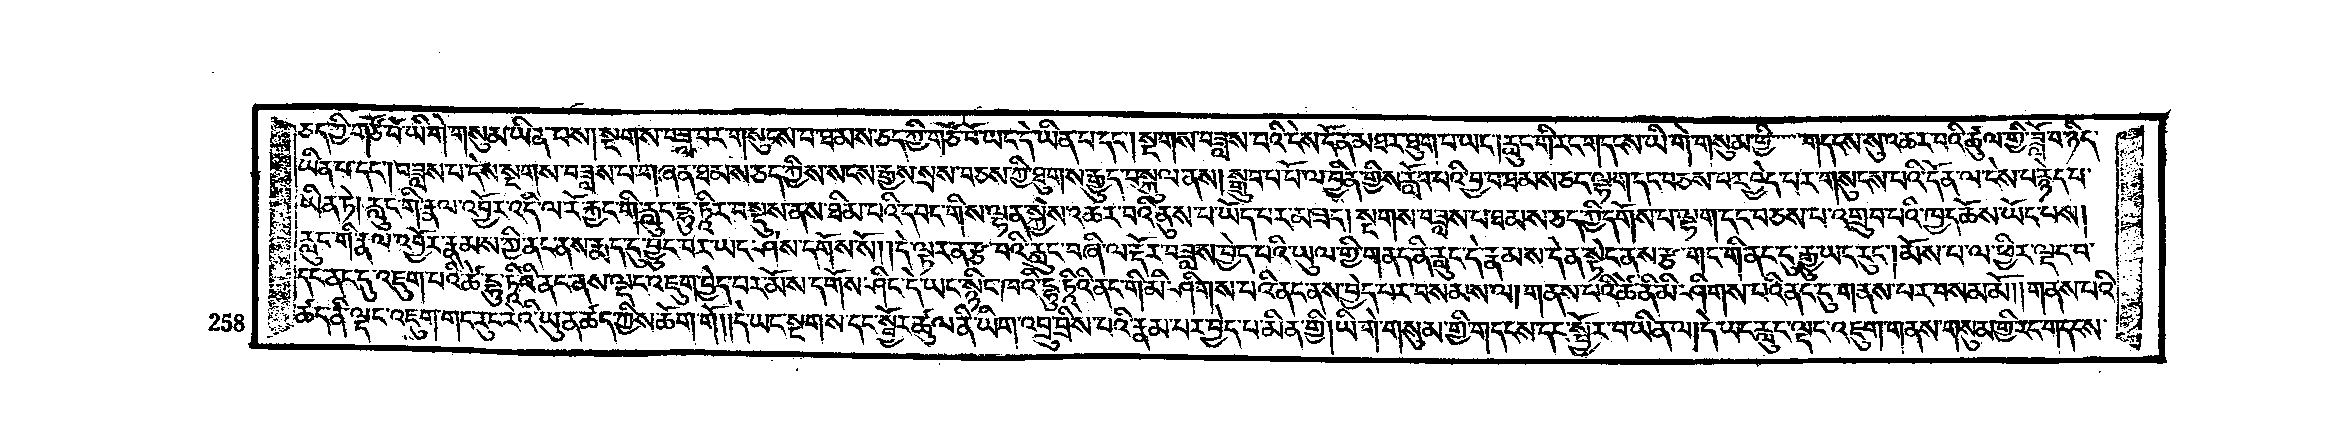ཅད་ཀྱི་གཙོ་བོ་ཡི་གེ་གསུམ་ཡིན་པས། སྔགས་བཟླ་བར་གསུངས་པ་ཐམས་ཅད་ཀྱི་གཙོ་བོ་ཡང་དེ་ཡིན་པ་དང་། སྔགས་བཟླས་པའི་ངེས་དོན་མཐར་ཐུག་པ་ཡང་། རླུང་གི་རང་གདངས་ཡི་གེ་གསུམ་གྱི་གདངས་སུ་འཆར་བའི་ཚུལ་གྱི་ཟློ་བ་ཉིད་
ཡིན་པ་དང་། བཟླས་པ་དེས་སྔགས་བཟླས་པ་གཞན་ཐམས་ཅད་ཀྱིས་སངས་རྒྱས་སྲས་བཅས་ཀྱི་ཐུགས་རྒྱུད་བསྐུལ་ནས། སྒྲུབ་པ་པོ་ལ་བྱིན་གྱིས་རློབ་པའི་བྱ་བ་ཐམས་ཅད་ལྷག་དང་བཅས་པར་བྱེད་པར་གསུངས་པའི་དོན་ལ་ངེས་པ་རྙེད་པ་
ཡིན་ཏེ། རླུང་གི་རྣལ་འབྱོར་འདི་ལ་རོ་རྐྱང་གི་རླུང་དྷུ་ཏཱིར་བསྡུས་ནས་ཐིམ་པའི་དབང་གིས་ལྷན་སྐྱེས་འཆར་བའི་ནུས་པ་ཡོད་པར་མ་ཟད། སྔགས་བཟླས་པ་ཐམས་ཅད་ཀྱི་དགོས་པ་ལྷག་དང་བཅས་པ་འགྲུབ་པའི་ཁྱད་ཆོས་ཡོད་པས།
རླུང་གི་རྣལ་འབྱོར་རྣམས་ཀྱི་ནང་ནས་རྨད་དུ་བྱུང་བར་ཡང་ཤེས་དགོས་སོ། །དེ་ལྟར་ན་རྩ་བའི་རླུང་བཞི་ལ་རྡོར་བཟླས་བྱེད་པའི་ཡུལ་གྱི་གནད་ནི་རླུང་དེ་རྣམས་དོན་སྟེང་ནས་རྩ་གང་གི་ནང་དུ་རྒྱུ་ཡང་རུང་། མོས་པ་ལ་ཕྱིར་ལྡང་བ་
དང་ནང་དུ་འཇུག་པའི་ཚེ་དྷུ་ཏཱིའི་ནང་ནས་ལྡང་འཇུག་བྱེད་པར་མོས་དགོས་ཤིང་དེ་ཡང་སྙིང་ཁའི་དྷུ་ཏཱིའི་ནང་གི་མི་ཤིགས་པའི་ནང་ནས་བྱེད་པར་བསམས་ལ། གནས་པའི་ཚེ་ནི་མི་ཤིགས་པའི་ནང་དུ་གནས་པར་བསམ་མོ། །གནས་པའི་
ཚད་ནི་ལྡང་འཇུག་གང་རུང་རེའི་ཡུན་ཚད་ཀྱིས་ཆོག་གོ། །དེ་ཡང་སྔགས་དང་སྦྱོར་ཚུལ་ནི་ཡིག་འབྲུ་བྲིས་པའི་རྣམ་པར་བྱེད་པ་མིན་གྱི། ཡི་གེ་གསུམ་གྱི་གདངས་དང་སྦྱོར་བ་ཡིན་ལ། དེ་ཡང་རླུང་ལྡང་འཇུག་གནས་གསུམ་གྱི་རང་གདངས་